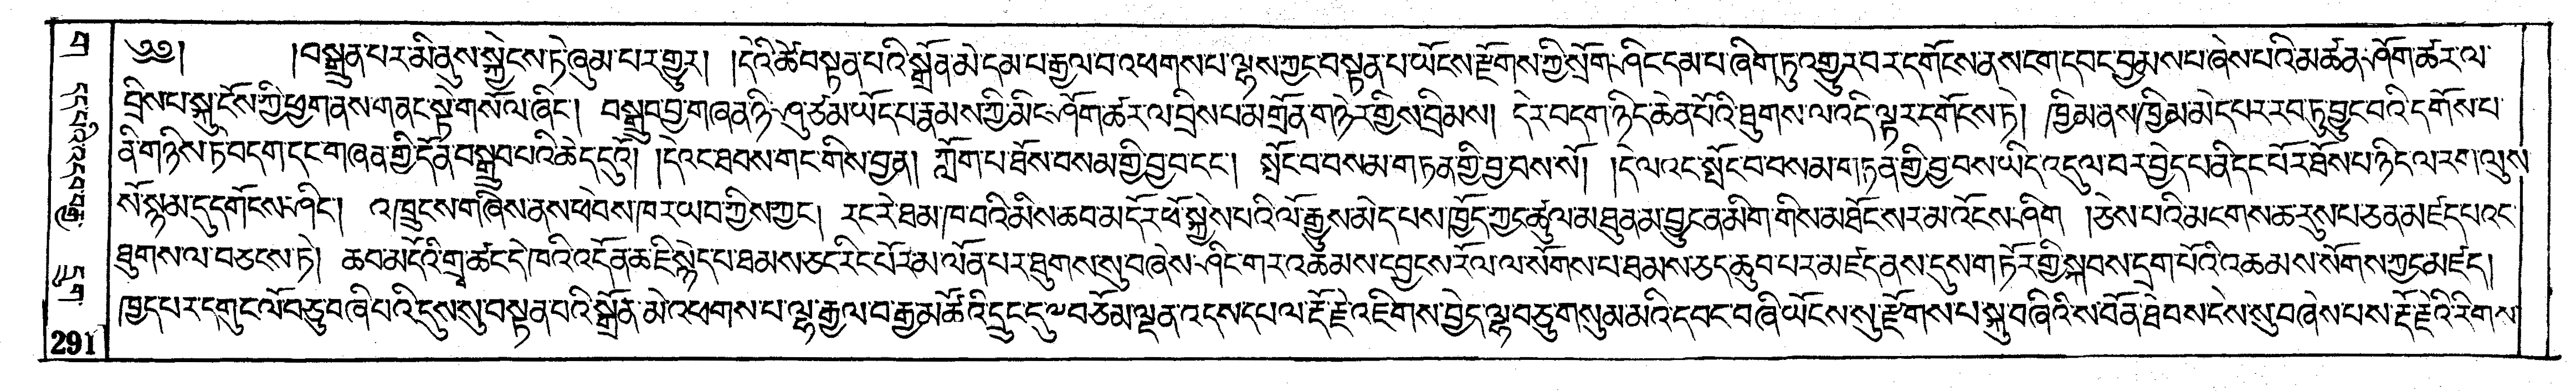༄༅། །བསྐྲུན་པར་མི་ནུས་སྐྱེངས་ཏེ་ཞུམ་པར་གྱུར། །དེའི་ཚེ་བསྟན་པའི་སྒྲོན་མེ་དམ་པ་རྒྱལ་བ་འཕགས་པ་ལྷས་ཀྱང་བསྟན་པ་ཡོངས་རྫོགས་ཀྱི་སྲོག་ཤིང་དམ་པ་ཞིག་ཏུ་འགྱུར་བར་དགོངས་ནས་ངག་དབང་བྱམས་པ་ཞེས་བའི་མཚན་ཤོག་ཚར་ལ་
བྲིས་པ་སྐུ་ངོས་ཀྱི་ཕྱག་ནས་གནང་སྟེ་གསོལ་ཞིང་། བསྒྲུབ་བྱ་གཞན་ཉི་ཤུ་ཙམ་ཡོད་པ་རྣམས་ཀྱི་མིང་ཤོག་ཚར་ལ་བྲིས་པ་མགྲོན་གཉེར་གྱིས་བྲིམས། དེར་བདག་ཉིད་ཆེན་བོའི་ཐུགས་ལ་འདི་ལྟར་དགོངས་ཏེ། ཁྱིམ་ནས་ཁྱིམ་མེད་པར་རབ་ཏུ་བྱུང་བའི་དགོས་པ་
ནི་གཉིས་ཏེ་བདག་དང་གཞན་གྱི་དོན་བསྒྲུབ་པའི་ཆེད་དུའོ། །དེའང་ཐབས་གང་གིས་བྱ་ན། ཀློག་པ་ཐོས་བསམ་གྱི་བྱ་བ་དང་། སྦོང་བ་བསམ་གཏན་གྱི་བྱ་བས་སོ། །དེ་ལའང་སྤོང་བ་བསམ་གཏན་གྱི་བྱ་བས་ཡིད་འདུལ་བར་བྱེད་པ་ནི་དང་པོར་ཐོས་པ་ཉིད་ལ་རག་ལུས་
སོ་སྙམ་དུ་དགོངས་ཤིང་། འཁྲུངས་གཞིས་ནས་ཕེབས་ཁར་ཡབ་ཀྱིས་ཀྱང་། རང་རེ་ཐམ་ཁ་བའི་མིས་ཆ་བ་མདོར་བོ་སྐྱེས་པའི་ལོ་རྒྱུས་མེད་པས་ཁྱོད་ཀྱང་ཚུལ་མཐུན་མ་བྱུང་ན་མིག་གིས་མཐོང་སར་མ་འོངས་ཤིག །ཅེས་པའི་མངགས་ཆ་རུས་པ་ཅན་མཛད་པའང་
ཐུགས་ལ་བཅངས་ཏེ། ཆབ་མདོའི་གྲྭ་ཚང་དེ་ཁའི་འདོན་ཆ་ཇི་སྙེད་པ་ཐམས་ཅད་རིང་པོར་མ་ལོན་པར་ཐུགས་སུ་བཞེས་ཤིང་གར་འཆམས་དབྱངས་རོལ་ལ་སོགས་པ་ཐམས་ཅད་ཆུབ་པར་མཛད་ནས་དུས་གཏོར་གྱི་སྐབས་དྲག་བོའི་འཆམས་སོགས་ཀྱང་མཛད།
ཁྱད་པར་དགུང་ལོ་བཅུ་བཞི་བའི་དུས་སུ་བསྟན་པའི་སྒྲོན་མེ་འཕགས་པ་ལྷ་རྒྱལ་བ་རྒྱ་མཚོའི་དྲུང་དུ་༧་བཅོམ་ལྡན་འདས་དཔལ་རྡོ་རྗེ་འཇིགས་བྱེད་ལྷ་བཅུ་གསུམ་མའི་དབང་བཞི་ཡོངས་སུ་རྫོགས་བ་སྐུ་བཞིའི་ས་བོན་ཐེབས་ངེས་སུ་བཞེས་པས་རྡོ་རྗེའི་རིགས་